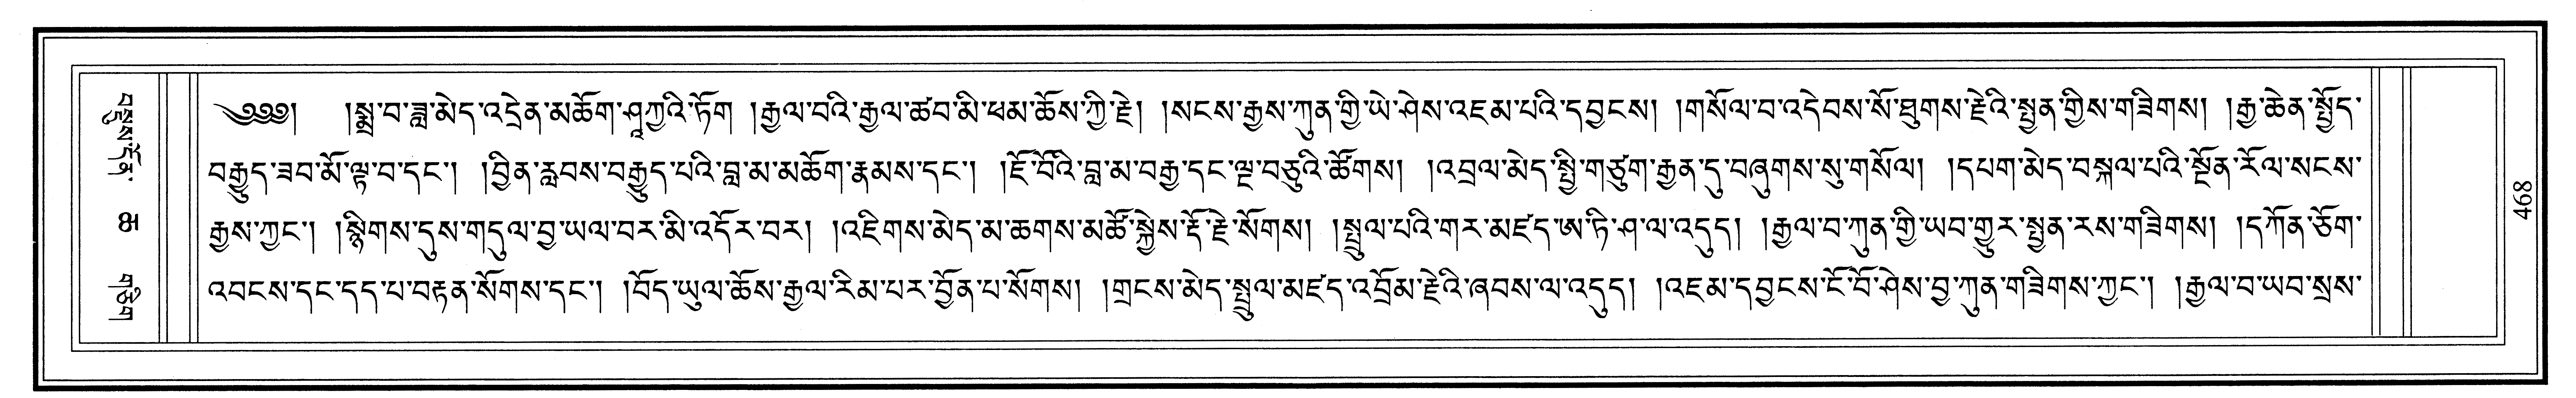༄༅༅། །སྨྲ་བ་ཟླ་མེད་འདྲེན་མཆོག་ཤཱཀྱའི་ཏོག །རྒྱལ་བའི་རྒྱལ་ཚབ་མི་ཕམ་ཆོས་ཀྱི་རྗེ། །སངས་རྒྱས་ཀུན་གྱི་ཡེ་ཤེས་འཇམ་པའི་དབྱངས། །གསོལ་བ་འདེབས་སོ་ཐུགས་རྗེའི་སྤྱན་གྱིས་གཟིགས། །རྒྱ་ཆེན་སྤྱོད་
བརྒྱུད་ཟབ་མོ་ལྟ་བ་དང་། །བྱིན་རླབས་བརྒྱུད་པའི་བླ་མ་མཆོག་རྣམས་དང་། །ཇོ་བོའི་བླ་མ་བརྒྱ་དང་ལྔ་བཅུའི་ཚོགས། །འབྲལ་མེད་སྤྱི་གཙུག་རྒྱན་དུ་བཞུགས་སུ་གསོལ། །དཔག་མེད་བསྐལ་པའི་སྔོན་རོལ་སངས་
རྒྱས་ཀྱང་། །སྙིགས་དུས་གདུལ་བྱ་ཡལ་བར་མི་འདོར་བར། །འཇིགས་མེད་མ་ཆགས་མཚོ་སྐྱེས་རྡོ་རྗེ་སོགས། །སྤྲུལ་པའི་གར་མཛད་ཨ་ཏི་ཤ་ལ་འདུད། །རྒྱལ་བ་ཀུན་གྱི་ཡབ་གྱུར་སྤྱན་རས་གཟིགས། །དཀོན་ཅོག་
འབངས་དང་དད་པ་བརྟན་སོགས་དང་། །བོད་ཡུལ་ཆོས་རྒྱལ་རིམ་པར་བྱོན་པ་སོགས། །གྲངས་མེད་སྤྲུལ་མཛད་འབྲོམ་རྗེའི་ཞབས་ལ་འདུད། །འཇམ་དབྱངས་ངོ་བོ་ཤེས་བྱ་ཀུན་གཟིགས་ཀྱང་། །རྒྱལ་བ་ཡབ་སྲས་